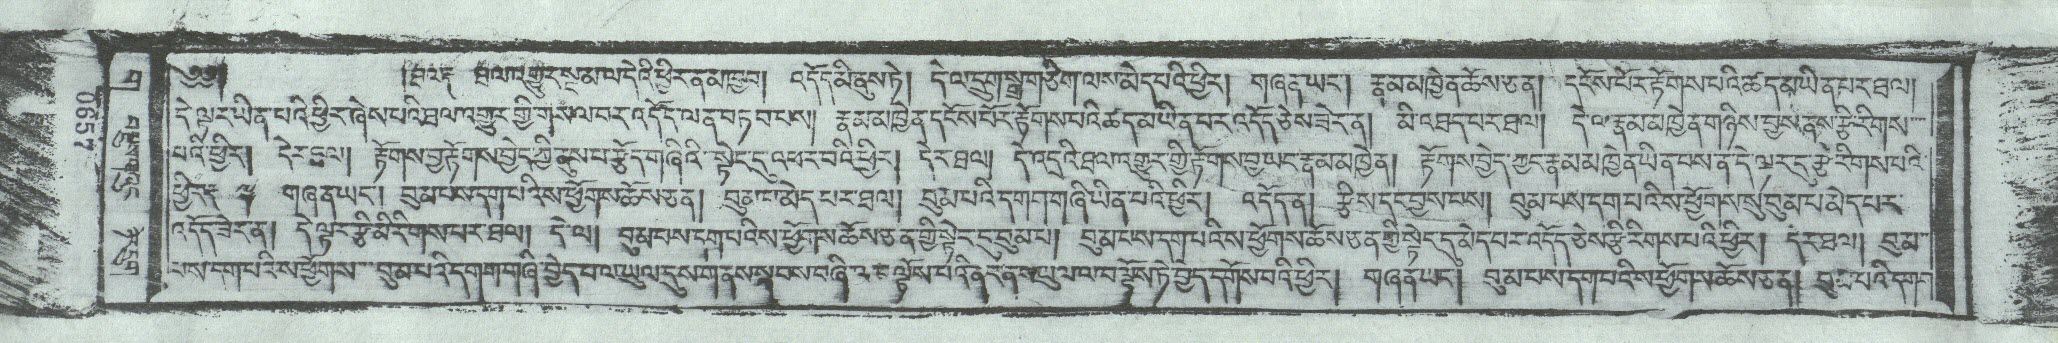༄༅། །ཐལ༑ ཐལ་འགྱུར་སྔ་མ་ལ་དེའི་ཕྱིར་ནམ་ཁྱབ། འདོད་མི་ནུས་ཏེ། དེ་ལ་དྲུག་སྒྲ་གཅིག་ལས་མེད་པའི་ཕྱིར། གཞན་ཡང་། རྣམ་མཁྱེན་ཆོས་ཅན། དངོས་པོར་རྟོགས་པའི་ཚད་མ་ཡིན་པར་ཐལ།
དེ་ལྟར་ཡིན་པའི་ཕྱིར་ཞེས་པའི་ཐལ་འགྱུར་གྱི་གསལ་བར་འདོད་ལན་བཏབ་པས། རྣམ་མཁྱེན་དངོས་པོར་རྟོགས་པའི་ཚད་མ་ཡིན་པར་འདོད་ཅེས་ཟེར་ན། མི་འཐད་པར་ཐལ། དེ་ལ་རྣམ་མཁྱེན་གཉིས་བྱས་ནས་རྩི་རིགས་
པའི་ཕྱིར། དེར་ཐལ། རྟོགས་བྱ་རྟོགས་བྱེད་ཀྱི་ནུས་པ་རྩོད་གཞིའི་སྟེང་དུ་འབར་བའི་ཕྱིར། དེར་ཐལ། དེ་འདྲའི་ཐལ་འགྱུར་གྱི་རྟོགས་བྱ་ཡང་རྣམ་མཁྱེན། རྟོགས་བྱེད་ཀྱང་རྣམ་མཁྱེན་ཡིན་བས་ན་དེ་ལྟར་དུ་རྩི་རིགས་པའི་
ཕྱིར། ༈ གཞན་ཡང་། བུམ་བས་དག་པའི་ས་ཕྱོགས་ཆོས་ཅན། བུམ་པ་མེད་པར་ཐལ། བུམ་པའི་དགག་གཞི་ཡིན་པའི་ཕྱིར། འདོད་ན། རྩིས་དང་བྱས་པས། བུམ་པས་དག་པའི་ས་ཕྱོགས་སུ་བུམ་པ་མེད་པར་
འདོད་ཟེར་ན། དེ་ལྟར་རྩི་མི་རིགས་པར་ཐལ། དེ་ལ། བུམ་པས་དག་པའི་ས་ཕྱོགས་ཆོས་ཅན་གྱི་སྟེང་དུ་བུམ་པ། བུམ་པས་དག་པའི་ས་ཕྱོགས་ཆོས་ཅན་གྱི་སྟེང་དུ་མེད་པར་འདོད་ཅེས་རྩི་རིགས་པའི་ཕྱིར། དེར་ཐལ། བུམ་
ལས་དག་པའི་ས་ཕྱོགས་བུམ་པའི་དགག་གཞི་བྱེད་པ་ལ་ཡུལ་དུས་གནས་སྐབས་བཞི་ལ་བལྟོས་པའི་ནང་ནས་ཡུལ་ལ་བལྟོས་ཏེ་བྱེད་དགོས་པའི་ཕྱིར། གཞན་ཡང་། བུམ་པས་དག་པའི་ས་ཕྱོགས་ཆོས་ཅན། བུམ་པའི་དགའ་